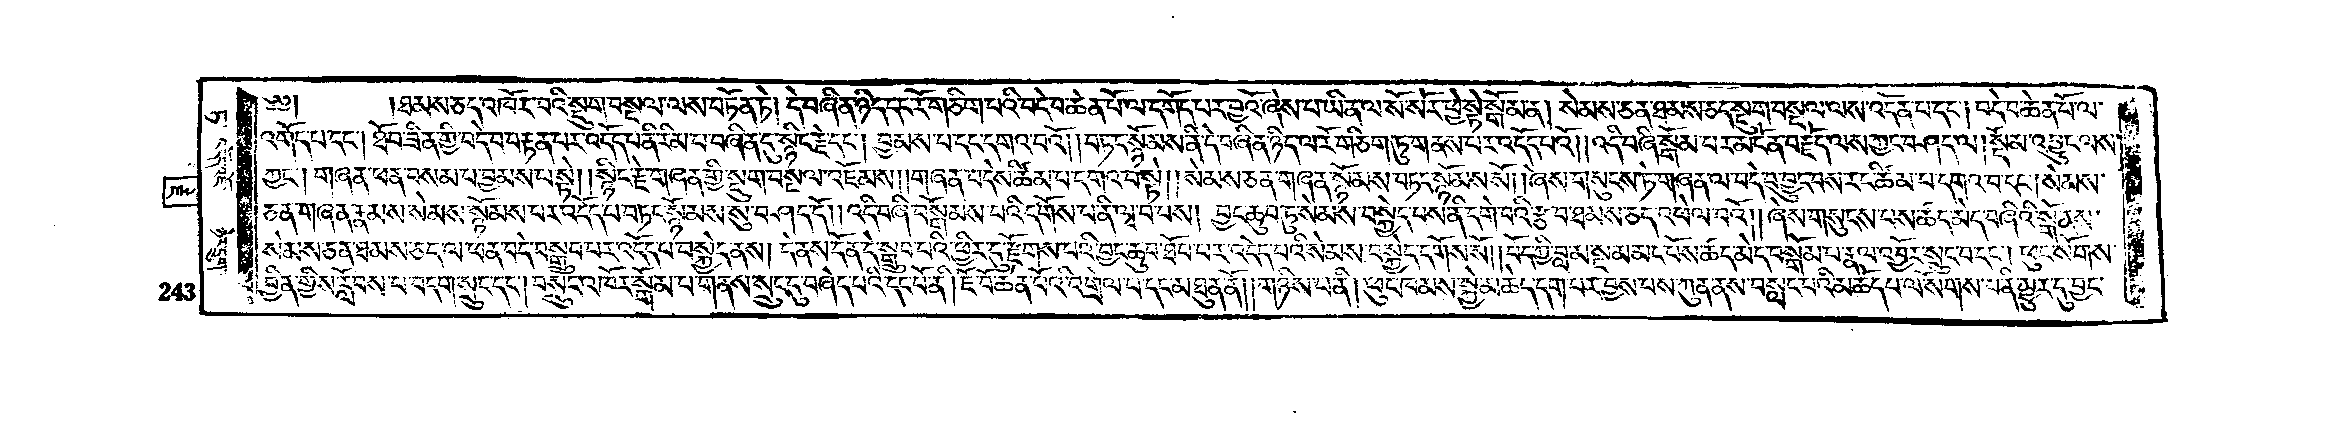༄༅། །ཐམས་ཅད་འཁོར་བའི་སྡུག་བསྔལ་ལས་བཏོན་ཏེ། དེ་བཞིན་ཉིད་དང་རོ་གཅིག་པའི་བདེ་བ་ཆེན་པོ་ལ་དགོད་པར་བྱའོ་ཞེས་པ་ཡིན་ལ་སོ་སོར་ཕྱེ་སྟེ་སྒོམ་ན། སེམས་ཅན་ཐམས་ཅད་སྡུག་བསྔལ་ལས་འདོན་པ་དང་། བདེ་བ་ཆེན་པོ་ལ་
འགོད་པ་དང་། ཐོབ་ཟིན་གྱི་བདེ་བ་བརྟན་པར་འདོད་པ་ནི་རིམ་པ་བཞིན་དུ་སྙིང་རྗེ་དང་། བྱམས་པ་དང་དགའ་བའོ། །བཏང་སྙོམས་ནི་དེ་བཞིན་ཉིད་ལ་རོ་གཅིག་ཏུ་གནས་པར་འདོད་པའོ། །འདི་བཞི་སྒོམ་པར་མངོན་བརྗོད་ལས་ཀྱང་བཤད་ལ། སྡོམ་འབྱུང་ལས་
ཀྱང་། གཞན་ཕན་བསམ་པ་བྱམས་པ་སྟེ། །སྙིང་རྗེ་གཞན་གྱི་སྡུག་བསྔལ་འཇོམས། །གཞན་བདེས་ཚིམ་པ་དགའ་བ་སྟེ། །སེམས་ཅན་གཞན་སྙོམས་བཏང་སྙོམས་སོ། །ཞེས་གསུངས་ཏེ་གཞན་ལ་བདེ་བ་བྱུང་བས་རང་ཚིམ་པ་དགའ་བ་དང་། སེམས་
ཅན་གཞན་རྣམས་སེམས་སྙོམས་པར་འདོད་པ་བཏང་སྙོམས་སུ་བཤད་དོ། །འདི་བཞི་བསྒོམས་པའི་དགོས་པ་ནི་ལྭ་བ་པས། བྱང་ཆུབ་ཏུ་སེམས་བསྐྱེད་པས་ནི་དགེ་བའི་རྩ་བ་ཐམས་ཅད་འཕེལ་བའོ། །ཞེས་གསུངས་པས་ཚད་མེད་བཞིའི་སྒོ་ནས་
སེམས་ཅན་ཐམས་ཅད་ལ་ཕན་བདེ་བསྒྲུབ་པར་འདོད་པ་བསྐྱེད་ནས། དེ་ནས་དོན་དེ་སྒྲུབ་པའི་ཕྱིར་དུ་རྫོགས་པའི་བྱང་ཆུབ་ཐོབ་པར་འདོད་པའི་སེམས་བསྐྱེད་དགོས་སོ། །བོད་ཀྱི་བླ་མ་སྔ་མ་མང་པོས་ཚད་མེད་བསྒོམ་པ་རྣལ་འབྱོར་སྲུང་བ་དང་། ཕུང་སོགས་
བྱིན་གྱིས་རློབས་པ་བདག་སྲུང་དང་། བསྲུང་འཁོར་སྒོམ་པ་གནས་སྲུང་དུ་བཞེད་པའི་དང་པོ་ནི། ཇོ་བོ་ཆེན་པོའི་འགྲེལ་པ་དང་མཐུན་ནོ། །གཉིས་པ་ནི། ཕུང་ཁམས་སྐྱེ་མཆེད་དག་པར་བྱས་པས་ཀུན་ནས་བསླང་པའི་མཆོད་པ་ལ་སོགས་པ་ནི་མྱུར་དུ་བྱང་